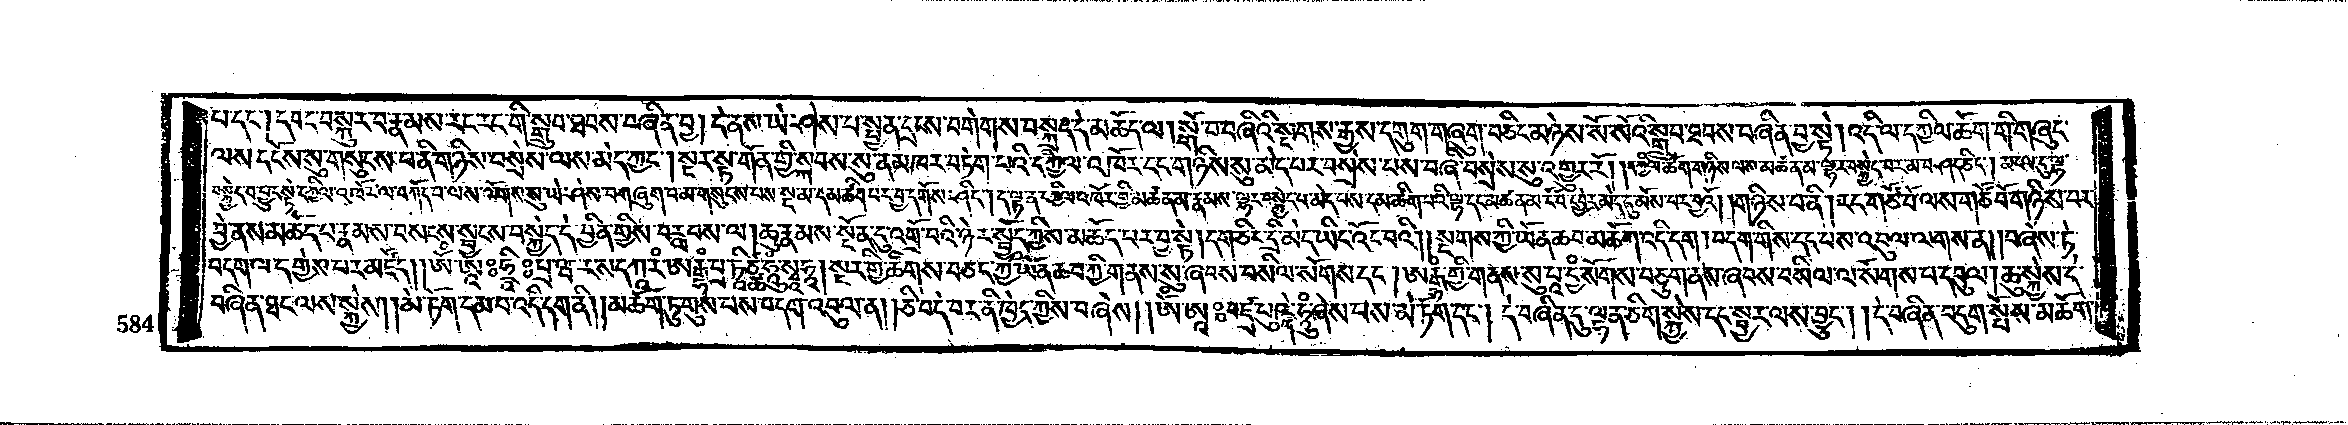༄༅། །པ་དང་། དབང་བསྐུར་བ་རྣམས་རང་རང་གི་སྒྲུབ་ཐབས་བཞན་བྱ། དེ་ནས་ཡེ་ཤེས་པ་སྤྱན་དྲངས་བགེགས་བསྐྲད་དེ་མཆོད་ལ། སྒོ་བ་བཞིའི་སྔགས་རྒྱས་དགུག་གཞུག་བཅིང་མཉེས་སོ་སོའི་སྒྲུབ་ཐབས་བཞིན་བྱ་སྟེ། འདི་ལ་དཀྱིལ་ཆོག་གི་གཞུང་
ལས་དངོས་སུ་གསུངས་པ་ནི་གཉིས་བསྲེས་ལས་མེད་ཀྱང་། སྔར་སྟ་གོན་གྱི་སྐབས་སུ་ནམ་མཁར་བཏེག་པའི་དཀྱིལ་འཁོར་དང་གཉིས་སུ་མེད་པར་བསྲེས་པས་བཞི་བསྲེས་སུ་འགྱུར་རོ། །དཀྱིལ་ཆོག་གཉིས་ལས་མཚན་མ་ལྷར་བསྐྱེད་པར་མ་བཤད་ཅིང་། མངལ་དུ་ལྷ་
བསྐྱེད་བ་བྱུང་སྟེ་དཀྱིལ་འཁོར་ལ་བཀོད་པ་ལས་ལོགས་སུ་ཡེ་ཤེས་པ་གཞུག་པ་མ་གསུངས་པས་སྔ་མ་དམ་ཚིག་པར་བྱ་དགོས་ཤིང་། ད་ལྟ་ན་དཀྱིལ་འཁོར་གྱི་མཚན་མ་རྣམས་ལྷར་བསྐྱེད་བ་མེད་པས་དམ་ཚིག་པའི་ལྷ་དང་མཚན་མ་ངོ་བོ་དབྱེར་མེད་དུ་མོས་པར་བྱའོ། །གཉིས་པ་ནི། རང་གཙོ་བོ་ལས་གཙོ་བོ་གཉིས་པར་
བྱེ་ནས་མཆོད་པ་རྣམས་བསངས་སྦྱངས་བསྐྱེད་དེ་བྱིན་གྱིས་བརླབས་ལ། ཆུ་རྣམས་སྔོན་དུ་འགྲོ་བའི་ཉེར་སྤྱོད་ཀྱིས་མཆོད་པར་བྱ་སྟེ། དག་ཅིང་དྲི་མེད་ཡིད་འོང་བའི། །སྔགས་ཀྱི་ཡོན་ཆབ་མཆོག་འདི་དག །བདག་གིས་དད་པས་འབུལ་ལགས་ནས། བཞེས་ཏེ་
བདག་ལ་དགྱེས་པར་མཛོད། །ཨོཾ་ཨཱ་H ཧྲཱི་H པྲ་ཝ་ར་སད་ཀཱ་རཾ་ཨརྒྷཾ་པྲ་ཏཱི་ཙྪ་ཧཱུཾ་སྭཱཧཱ། སྔར་གྱི་ཚིགས་བཅད་ཀྱི་ཡོན་ཆབ་ཀྱི་གནས་སུ་ཞབས་བསིལ་སོགས་དང་། ཨརྒྷཾ་གྱི་གནས་སུ་པཱ་དྱཾ་སོགས་བཅུག་ནས་ཞབས་བསིལ་ལ་སོགས་པ་དབུལ། ཆུ་སྐྱེས་དེ་
བཞིན་ཐར་ལས་སྐྱེས། །མེ་ཏོག་དམ་པ་འདི་དག་ནི། །མཆོག་ཏུ་གུས་པས་བདག་འབུལ་ན། །ཅི་བདེ་བར་ནི་ཁྱེད་ཀྱིས་བཞེས། །ཨོཾ་ཨཱ་H བཛྲ་པུཥྐེ་ཧཱུཾ་ཞེས་པས་མེ་ཏོག་དང་། དེ་བཞིན་དུ་ལྷན་ཅིག་སྐྱེས་དང་སྦྱར་ལས་བྱུང་། །དེ་བཞིན་བདུག་སྤོས་མཆོ་